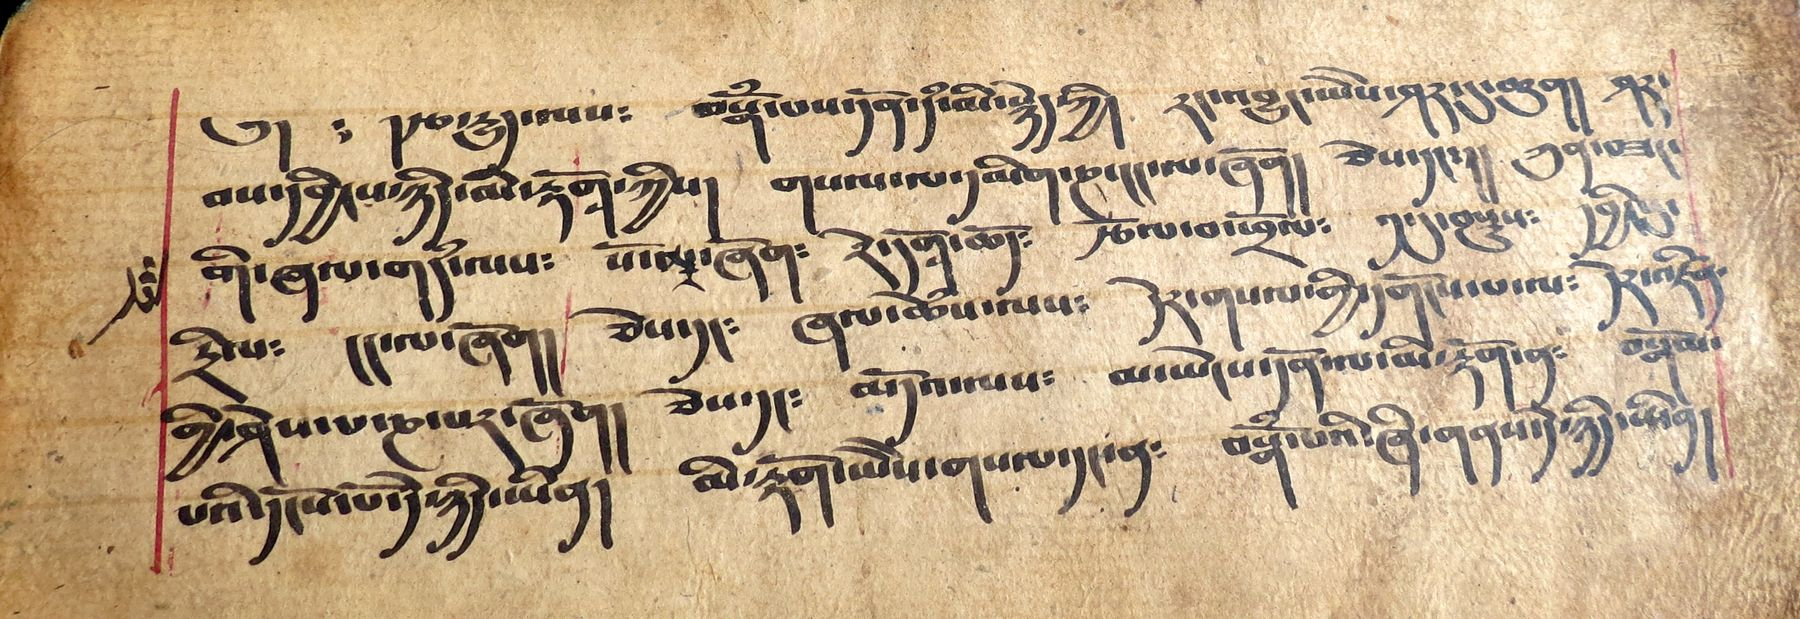རྩ་རྒྱུད་ལས། བསྒོམ་པས་དབྱིངས་ཉིད་མི་རྟོགས་ཀྱིས། རང་འབྱུང་ཡེ་ཤེས་ཤར་དུ་ཆུན། ཤར།
བས་དབྱིངས་མི་རྟག་ཀྱི། གསལ་ལ་དམིགས་མེད་ངང་ལ་ཞོག། ཅེས་དང་། ཀུན་བཟང་
གི་ཞལ་གདམས་ལས། སོ་མར་ཞོག རེ་དོགས་ཆོད། རྩོལ་བ་ཁྲོལ། གཅིག་ཏུ་བསྡུས། དབྱིངས་སུ་
དྲིལ། ངང་ལ་ཞོག། ཅེས་དང་། ཞལ་ཆེམས་ལས། དེར་གསལ་གྱི་དགོངས་པ་ལ། དེར་འཛིན་
གྱི་ཤེས་པ་མེད་པར་བཞག ཅེས་དང་། མདོ་ལས། མི་ཡེངས་དོན་ལ་མི་རྟོག་ན། སྒོམ་
པ་གཞི་གནས་དེ་ཉིད་ཡིན། མི་རྟོག་ཡོངས་ཁྱབ་གསལ་དྭངས་ན། སྒོམ་པའི་ངོ་བོ་དེ་ཉིད་ཡིན།